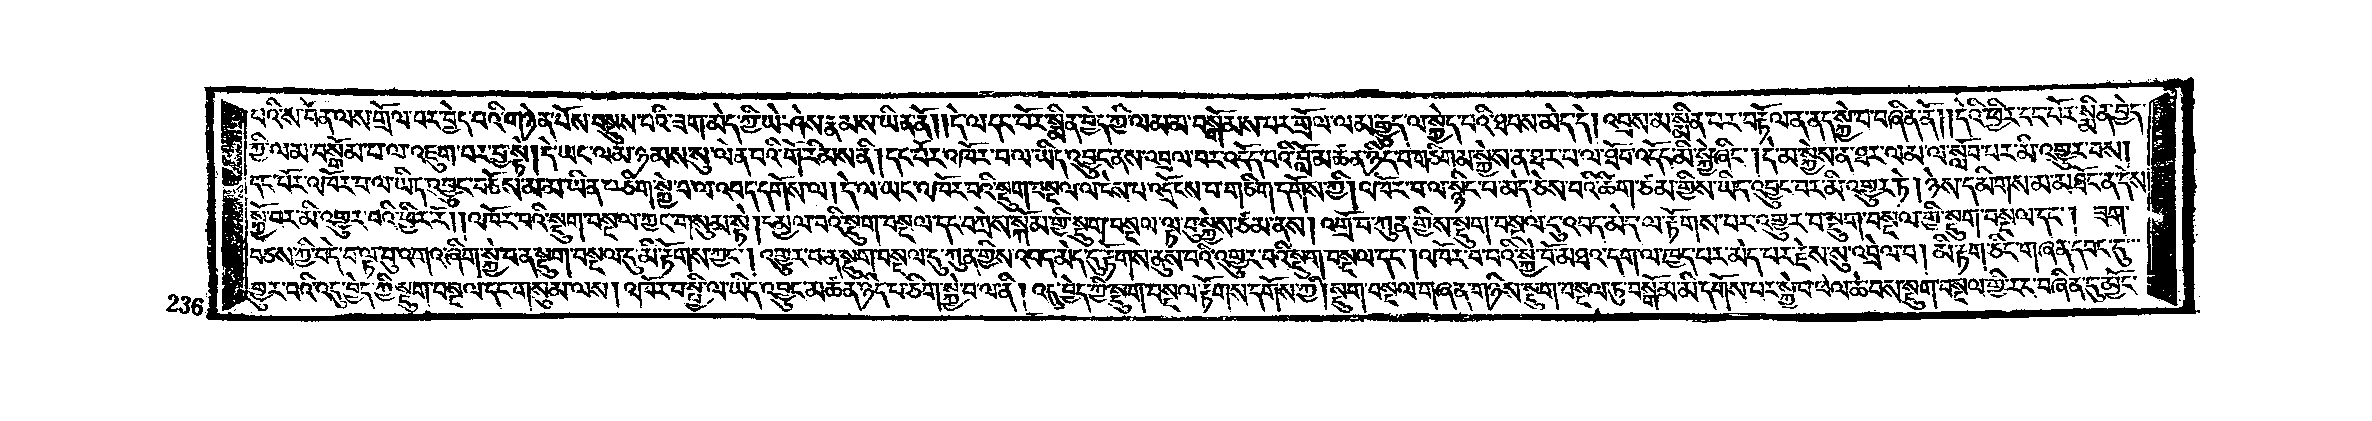པའི་ས་བོན་ལས་གྲོལ་བར་བྱེད་པའི་གཉེན་པོས་བསྡུས་པའི་ཟག་མེད་ཀྱི་ཡེ་ཤེས་རྣམས་ཡིན་ནོ། །དེ་ལ་དང་པོར་སྨིན་བྱེད་ཀྱི་ལམ་མ་བསྒོམས་པར་གྲོལ་ལམ་རྒྱུད་ལ་སྐྱེད་པའི་ཐབས་མེད་དེ། འབྲས་མ་སྨིན་པར་བརྟོལ་ན་ནད་སྐྱེ་བ་བཞིན་ནོ། །དེའི་ཕྱིར་དང་པོར་སྨིན་བྱེད་
ཀྱི་ལམ་བསྒོམ་པ་ལ་འཇུག་པར་བྱ་སྟེ། དེ་ཡང་ལམ་ཉམས་སུ་ལེན་པའི་གོ་རིམས་ནི། དང་པོར་འཁོར་བ་ལ་ཡིད་འབྱུང་ནས་འབྲལ་བར་འདོད་པའི་བློ་མཚན་ཉིད་པ་གཅིག་མ་སྐྱེས་ན་ཐར་པ་ལ་ཐོབ་འདོད་མི་སྐྱེ་ཞིང་།དེ་མ་སྐྱེས་ན་ཐར་ལམ་ལ་སློབ་པར་མི་འགྱུར་བས།
དང་པོར་འཁོར་བ་ལ་ཡིད་འབྱུང་བཅོས་མ་མ་ཡིན་པ་ཅིག་སྐྱེ་བ་ལ་འབད་དགོས་ལ། དེ་ལ་ཡང་འཁོར་བའི་སྡུག་བསྔལ་ལ་ངེས་པ་འདྲོངས་པ་གཅིག་དགོས་ཀྱི། འཁོར་བ་ལ་སྙིང་པོ་མེད་ཅེས་པའི་ཚིག་ཙམ་གྱིས་ཡིད་འབྱུང་བར་མི་འགྱུར་ཏེ། ཉེས་དམིགས་མ་མཐོང་ན་དེས་
སྐྱོ་བར་མི་འགྱུར་བའི་ཕྱིར་རོ། །འཁོར་བའི་སྡུག་བསྔལ་ཀྱང་གསུམ་སྟེ། དམྱལ་བའི་སྡུག་བསྔལ་དང་བཀྲེས་སྐོམ་གྱི་སྡུག་བསྔལ་ལྟ་བུ་སྐྱེས་ཙམ་ནས། འགྲོ་བ་ཀུན་གྱིས་སྡུག་བསྔལ་དུ་འབད་མེད་ལ་རྟོགས་པར་འགྱུར་བ་སྡུག་བསྔལ་གྱི་སྡུག་བསྔལ་དང་།ཟག་
བཅས་ཀྱི་བདེ་བ་ལྟ་བུ་འགའ་ཞིག་སྐྱེ་བ་ན་སྡུག་བསྔལ་དུ་མི་རྟོགས་ཀྱང་།འགྱུར་བ་ན་སྡུག་བསྔལ་དུ་ཀུན་གྱིས་འབད་མེད་དུ་རྟོགས་ནུས་པའི་འགྱུར་བའི་སྡུག་བསྔལ་དང་།འཁོར་བ་པའི་སྐྱེ་བོ་མཐའ་དག་ལ་ཁྱད་པར་མེད་པར་རྗེས་སུ་འབྲེལ་བ། མི་རྟག་ཅིང་གཞན་དབང་དུ་
གྱུར་བའི་འདུ་བྱེད་ཀྱི་སྡུག་བསྔལ་དང་གསུམ་ལས། འཁོར་བ་སྤྱི་ལ་ཡིད་འབྱུང་མཚན་ཉིད་པ་ཅིག་སྐྱེ་བ་ལ་ནི། འདུ་བྱེད་ཀྱི་སྡུག་བསྔལ་རྟོགས་དགོས་ཀྱི། སྡུག་བསྔལ་གཞན་གཉིས་སྡུག་བསྔལ་ཏུ་བསྒོམ་མི་དགོས་པར་སྐྱེ་བ་ཕལ་ཆེ་བས་སྡུག་བསྔལ་གྱི་རང་བཞིན་དུ་མྱོང་